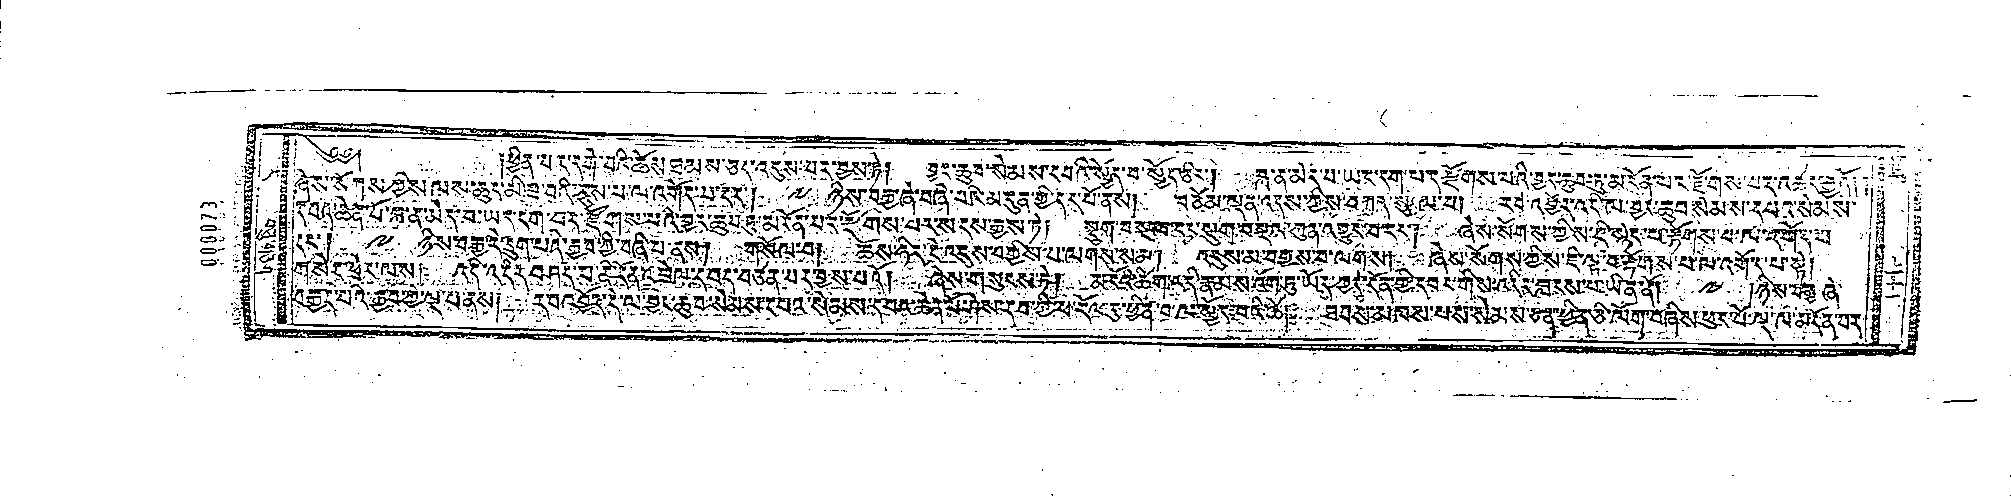༄༅། །ཕྱིན་པར་དགེ་བའི་ཆོས་ཐམས་ཅད་འདུས་པར་བྱས་ཏེ། བྱང་ཆུབ་སེམས་དཔའི་སྦྱོད་པ་སྦྱོད་ཅིང་། བླ་ན་མེད་པ་ཡང་དག་པར་རྫོགས་པའི་བྱང་ཆུབ་ཏུ་མངོན་པར་རྫོགས་པར་འཆང་རྒྱའོ།།
ཞེས་སོགས་ཀྱིས་ལས་ཆུང་མི་ཟ་བའི་ནུས་པ་ལ་འགོད་པ་དང་། ༧་ཉིས་བརྒྱ་ཞེ་བཞི་པའི་མདུན་གྱི་དང་པོ་ནས། བཅོམ་ལྡན་འདས་ཀྱིས་བཀའ་སྩལ་པ། རབ་འབྱོར་འདི་ལ་བྱང་ཆུབ་སེམས་དཔའ་སེམས་
དཔའ་ཆེན་པོ་བླ་ན་མེད་པ་ཡང་དག་པར་རྫོགས་པའི་བྱང་ཆུབ་ཏུ་མངོན་པར་རྫོགས་པར་སངས་རྒྱས་ཏེ། སྡུག་བསྔལ་དང་སྡུག་བསྔལ་ཀུན་འབྱུང་བ་དང་། ཞེས་སོགས་ཀྱིས་ཇི་སྙེད་པ་རྟོགས་པ་ལ་འགོད་པ་
དང་། ༧་ཉིས་བརྒྱ་རེ་དྲུག་པའི་རྒྱབ་ཀྱི་བཞི་པ་ནས། གསོལ་བ། ཆོས་ཉིད་དེ་འདུས་བགྱིས་པ་ལགས་སམ། འདུས་མ་བགྱིས་བ་ལགས། ཞེས་སོགས་ཀྱིས་ཇི་ལྟ་བ་རྟོགས་པ་ལ་འགོད་པ་སྟེ།
གསེར་ཕྲེང་ལས། འདི་འདིར་བཤད་པ་ནི་དོན་འབྲེལ་དབང་བཙན་པར་བྱས་པའོ། ཞེས་གསུངས་ཏེ། མདོའི་ཚིག་འདི་རྣམས་འོག་ཏུ་ཡོད་ཀྱང་དོན་གྱི་དབང་གིས་འདིར་བླངས་པ་ཡིན་ནོ། ༧་།ཉིས་བརྒྱ་ཞེ་
བརྒྱད་པའི་རྒྱབ་ཀྱི་ལྔ་པ་ནས། རབ་འབྱོར་དེ་ལ་བྱང་ཆུབ་སེམས་དཔའ་སེམས་དཔའ་ཆེན་པོ་ཤེས་རབ་ཀྱི་ཕ་རོལ་དུ་ཕྱིན་པ་ལ་སྤྱོད་བའི་ཚེ། ཐབས་མཁས་པས་སེམས་ཅན་ཕྱིན་ཅི་ལོག་བཞིས་ཕུང་པོ་ལྔ་ལ་མངོན་བར་